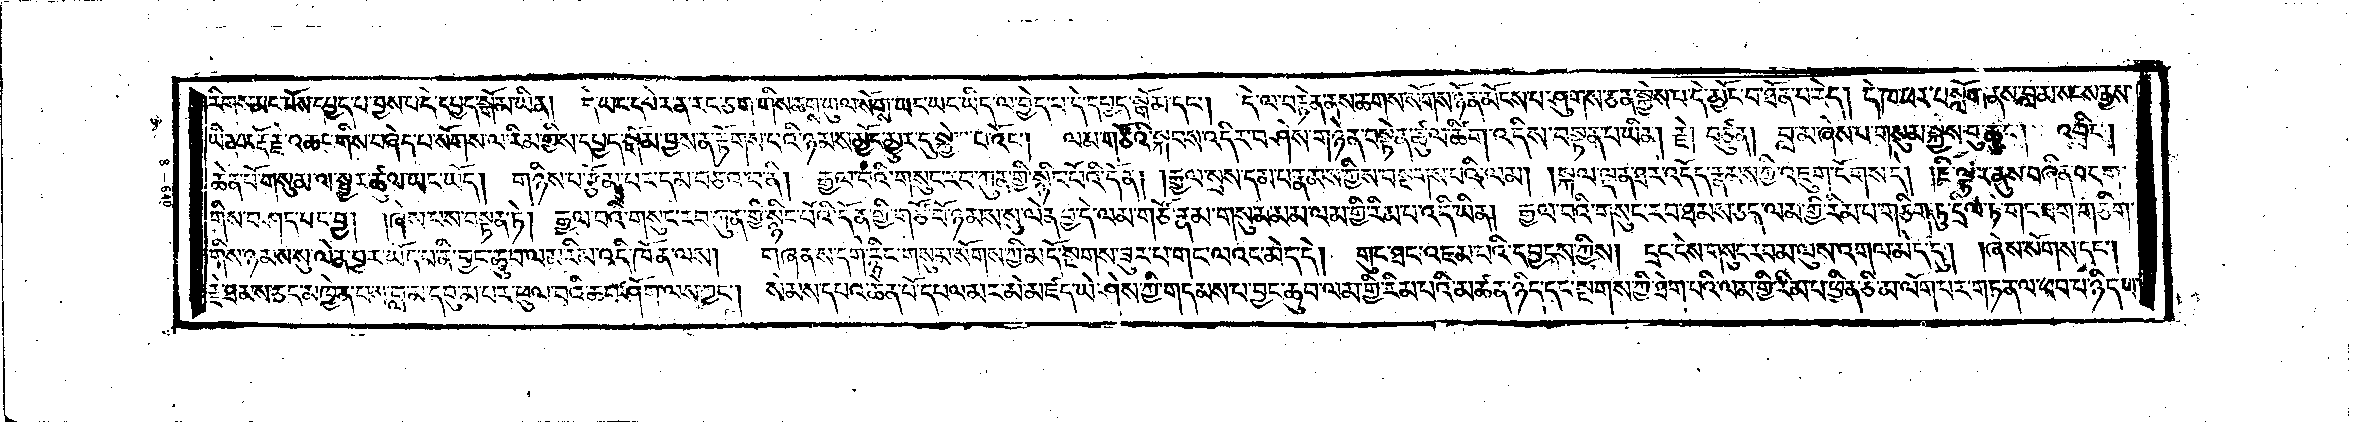རིགས་མང་པོས་དཔྱད་པ་བྱས་པ་དེ་དཔྱད་སྒོམ་ཡིན། དེ་ཡང་དཔེར་ན་རང་ཅག་གིས་ཆགས་ཡུལ་སོགས་ཡང་ཡང་ཡིད་ལ་བྱེད་པ་དེ་དཔྱད་སྒོམ་དང་། དེ་ལ་བརྟེན་ནས་ཆགས་སོགས་ཉོན་མོངས་པ་ཤུགས་ཅན་སྐྱེས་པ་དེ་མྱོང་བ་ཐོན་པ་རེད། དེ་ཁ་ཕར་བསློག་ནས་བླ་མ་སངས་རྒྱས་
ཡིན་པར་རྡོ་རྗེ་འཆང་གིས་བཞེད་པ་སོགས་ལ་རིམ་གྱིས་དཔྱད་སྒོམ་བྱས་ན་རྟོགས་པའི་ཉམས་མྱོང་མྱུར་དུ་སྐྱེས་པ་འོང་། ལམ་གཙོའི་སྐབས་འདིར་བཤེས་གཉེན་བསྟེན་ཚུལ་ཚིག་འདིས་བསྟན་པ་ཡིན། རྗེ། བཙུན། བླ་མ་ཞེས་པ་གསུམ་སྐྱེས་བུ་ཆུང་། འབྲིང་།
ཆེན་པོ་གསུམ་ལ་སྦྱར་ཚུལ་ཡང་ཡོད། གཉིས་པ་རྩོམ་པར་དམ་བཅའ་བ་ནི། རྒྱལ་བའི་གསུང་རབ་ཀུན་གྱི་སྙིང་པོའི་དོན། །རྒྱལ་སྲས་དམ་པ་རྣམས་ཀྱིས་བསྔགས་པའི་ལམ། །སྐལ་ལྡན་ཐར་འདོད་རྣམས་ཀྱི་འཇུག་ངོགས་དེ། །ཇི་ལྟར་ནུས་བཞིན་བདག་
གིས་བཤད་པར་བྱ། །ཞེས་པས་བསྟན་ཏེ། རྒྱལ་བའི་གསུང་རབ་ཀུན་གྱི་སྙིང་པོའི་དོན་གྱི་གཙོ་བོ་ཉམས་སུ་ལེན་བྱ་དེ་ལམ་གཙོ་རྣམ་གསུམ་མམ་ལམ་གྱི་རིམ་པ་འདི་ཡིན། རྒྱལ་བའི་གསུང་རབ་ཐམས་ཅད་ལམ་གྱི་རིམ་པ་གཅིག་ཏུ་དྲིལ་ཏེ་གང་ཟག་གཅིག་
གིས་ཉམས་སུ་ལེན་བྱར་ཡོད་པ་ནི་བྱང་ཆུབ་ལམ་རིམ་འདི་ཁོ་ན་ལས། གཞན་ས་དགེ་རྙིང་གསུམ་སོགས་ཀྱི་མདོ་སྔགས་ཟུར་པ་གང་ལའང་མེད་དེ། གུང་ཐང་འཇམ་པའི་དབྱངས་ཀྱིས། དྲང་ངེས་གསུང་རབ་མ་ལུས་འགལ་མེད་དུ། །ཞེས་སོགས་དང་།
རྗེ་ཐམས་ཅད་མཁྱེན་པས་བླ་མ་དབུ་མ་པར་ཕུལ་བའི་ཆབ་ཤོག་ལས་ཀྱང་། སེམས་དཔའ་ཆེན་པོ་དཔལ་མར་མེ་མཛད་ཡེ་ཤེས་ཀྱི་གདམས་པ་བྱང་ཆུབ་ལམ་གྱི་རིམ་པའི་མཚན་ཉིད་དང་སྔགས་ཀྱི་ཐེག་པའི་ལམ་གྱི་རིམ་པ་ཕྱིན་ཅི་མ་ལོག་པར་གཏན་ལ་ཕབ་པ་ཉིད་ཡ་